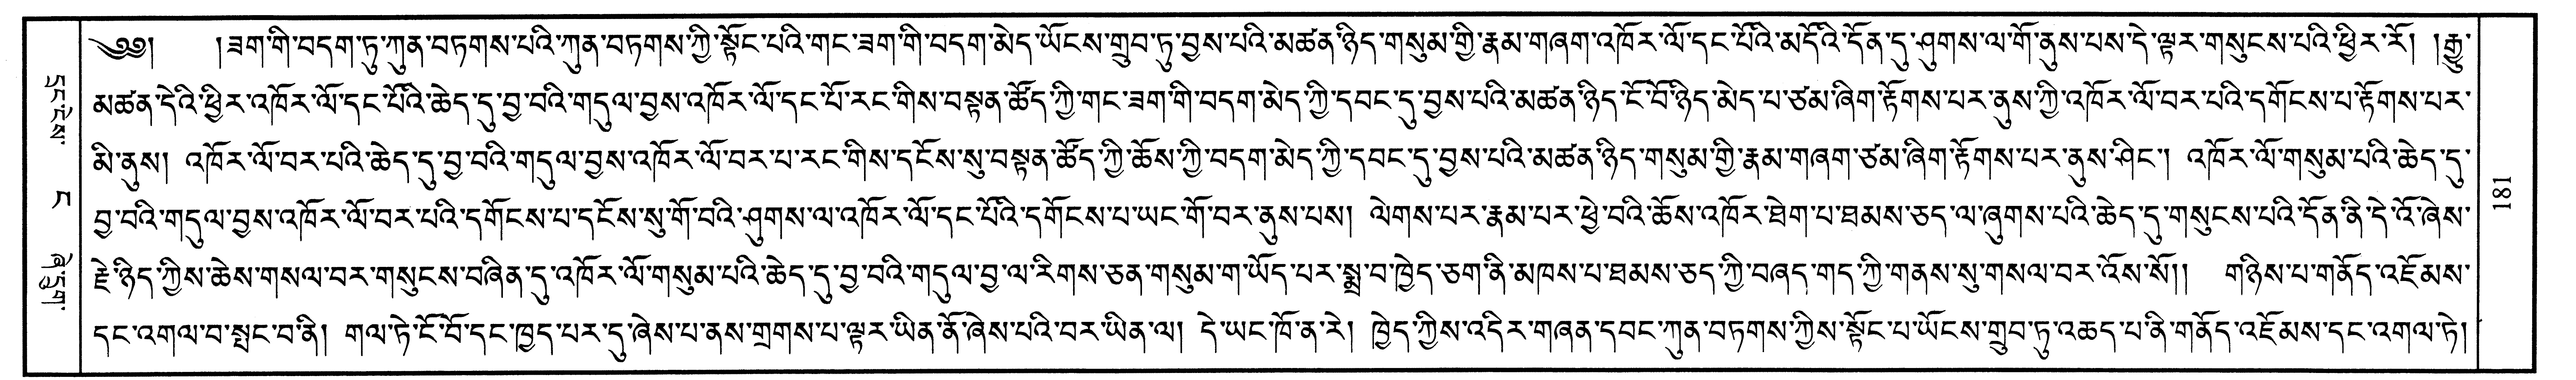༄༅། །ཟག་གི་བདག་ཏུ་ཀུན་བཏགས་པའི་ཀུན་བཏགས་ཀྱི་སྟོང་པའི་གང་ཟག་གི་བདག་མེད་ཡོངས་གྲུབ་ཏུ་བྱས་པའི་མཚན་ཉིད་གསུམ་གྱི་རྣམ་གཞག་འཁོར་ལོ་དང་པོའི་མདོའི་དོན་དུ་ཤུགས་ལ་གོ་ནུས་པས་དེ་ལྟར་གསུངས་པའི་ཕྱིར་རོ། །རྒྱུ་
མཚན་དེའི་ཕྱིར་འཁོར་ལོ་དང་པོའི་ཆེད་དུ་བྱ་བའི་གདུལ་བྱས་འཁོར་ལོ་དང་པོ་རང་གིས་བསྟན་ཚོད་ཀྱི་གང་ཟག་གི་བདག་མེད་ཀྱི་དབང་དུ་བྱས་པའི་མཚན་ཉིད་ངོ་བོ་ཉིད་མེད་པ་ཙམ་ཞིག་རྟོགས་པར་ནུས་ཀྱི་འཁོར་ལོ་བར་པའི་དགོངས་པ་རྟོགས་པར་
མི་ནུས། འཁོར་ལོ་བར་པའི་ཆེད་དུ་བྱ་བའི་གདུལ་བྱས་འཁོར་ལོ་བར་པ་རང་གིས་དངོས་སུ་བསྟན་ཚོད་ཀྱི་ཆོས་ཀྱི་བདག་མེད་ཀྱི་དབང་དུ་བྱས་པའི་མཚན་ཉིད་གསུམ་གྱི་རྣམ་གཞག་ཙམ་ཞིག་རྟོགས་པར་ནུས་ཤིང་། འཁོར་ལོ་གསུམ་པའི་ཆེད་དུ་
བྱ་བའི་གདུལ་བྱས་འཁོར་ལོ་བར་པའི་དགོངས་པ་དངོས་སུ་གོ་བའི་ཤུགས་ལ་འཁོར་ལོ་དང་པོའི་དགོངས་པ་ཡང་གོ་བར་ནུས་པས། ལེགས་པར་རྣམ་པར་ཕྱེ་བའི་ཆོས་འཁོར་ཐེག་པ་ཐམས་ཅད་ལ་ཞུགས་པའི་ཆེད་དུ་གསུངས་པའི་དོན་ནི་དེ་འོ་ཞེས་
རྗེ་ཉིད་ཀྱིས་ཆེས་གསལ་བར་གསུངས་བཞིན་དུ་འཁོར་ལོ་གསུམ་པའི་ཆེད་དུ་བྱ་བའི་གདུལ་བྱ་ལ་རིགས་ཅན་གསུམ་ག་ཡོད་པར་སྨྲ་བ་ཁྱེད་ཅག་ནི་མཁས་པ་ཐམས་ཅད་ཀྱི་བཞད་གད་ཀྱི་གནས་སུ་གསལ་བར་འོས་སོ།། གཉིས་པ་གནོད་འཇོམས་
དང་འགལ་བ་སྤང་བ་ནི། གལ་ཏེ་ངོ་བོ་དང་ཁྱད་པར་དུ་ཞེས་པ་ནས་གྲགས་པ་ལྟར་ཡིན་ནོ་ཞེས་པའི་བར་ཡིན་ལ། དེ་ཡང་ཁོ་ན་རེ། ཁྱེད་ཀྱིས་འདིར་གཞན་དབང་ཀུན་བཏགས་ཀྱིས་སྟོང་པ་ཡོངས་གྲུབ་ཏུ་འཆད་པ་ནི་གནོད་འཇོམས་དང་འགལ་ཏེ།